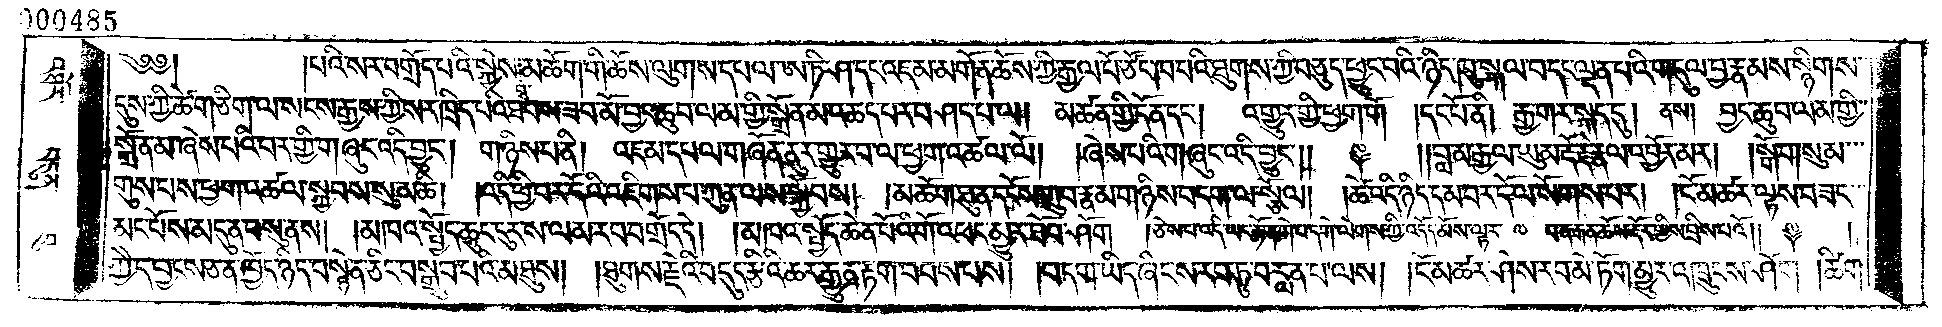༄༅། །པའི་སར་བགྲོད་པའི་སྐྱེས་བུ་མཆོག་གི་ཆོས་ལུགས་དཔལ་ཨ་ཏི་ཤ་དང་འཇམ་མགོན་ཆོས་ཀྱི་རྒྱལ་པོ་ཙོང་ཁ་པའི་ཐུགས་ཀྱི་བཅུད་ཕྱུང་བའི་ཉིང་ཁུ་སྐལ་བ་དང་ལྡན་པའི་གདུལ་བྱ་རྣམས་སྙིགས་
དུས་ཀྱི་ཚེ་གཅིག་ལ་སངས་རྒྱས་ཀྱི་སར་ཁྲིད་པའི་ཐབས་ཟབ་མོ་བྱང་ཆུབ་ལམ་གྱི་སྒྲོན་མ་འཆད་པར་བཤད་པ་ལ། མཚན་གྱི་དོན་དང་། འགྱུར་གྱི་ཕྱག་གོ །དང་པོ་ནི། རྒྱ་གར་སྐད་དུ། ནས།  བྱང་ཆུབ་ལམ་གྱི་
སྒྲོན་མ་ཞེས་པའི་བར་གྱི་གཞུང་འདི་བྱུང་། གཉིས་པ་ནི། འཇམ་དཔལ་གཞོན་ནུར་གྱུར་པ་ལ་ཕྱག་འཚལ་ལོ། །ཞེས་པའི་གཞུང་འདི་བྱུང།། ༈ །།བླ་མ་རྒྱལ་ཡུམ་རྡོ་རྗེ་རྣལ་འབྱོར་མར། །སྒོ་གསུམ་
གུས་པས་ཕྱག་འཚལ་སྐྱབས་སུ་མཆི། །འདི་ཕྱི་བར་དོའི་འཇིགས་པ་ཀུན་ལས་སྐྱོབས། །མཆོག་ཐུན་དངོས་གྲུབ་རྣམ་གཉིས་བདག་ལ་སྩོལ། །ཚེ་འདི་ཉིད་དམ་བར་དོ་ལ་སོགས་པར། །ངོ་མཚར་ལྟས་བཟང་
མང་པོས་མདུན་བསུ་ནས། །མཁའ་སྤྱོད་ཆུང་ངུར་ས་ལམ་རབ་བགྲོད་དེ། །མཁའ་སྤྱོད་ཆེན་པོའི་གོ་འཕང་མྱུར་ཐོབ་ཤོག་།ཅེས་པ་འདི་ཡང་རྟོག་གེ་བ་དགེ་ལེགས་ཀྱི་འདོད་མོས་ལྟར་༧་བན་རྒན་ཆོས་རྡོར་གྱིས་བྲིས་པའོ།།  ༈ །།
ཀྱཻ་དབྱངས་ཅན་ཁྱོད་ཉིད་བསྙེན་ཅིང་བསྒྲུབ་པའི་མཐུས། །ཐུགས་རྗེའི་བདུད་རྩིའི་ཆར་རྒྱུན་རྟག་བབས་པས། །བདག་ཡིད་ཞིང་ས་རབ་ཏུ་བརླན་པ་ལས། །ངོ་མཚར་ཤེས་རབ་མེ་ཏོག་མྱུར་འཁྲུངས་ཤོག །ཚིག་